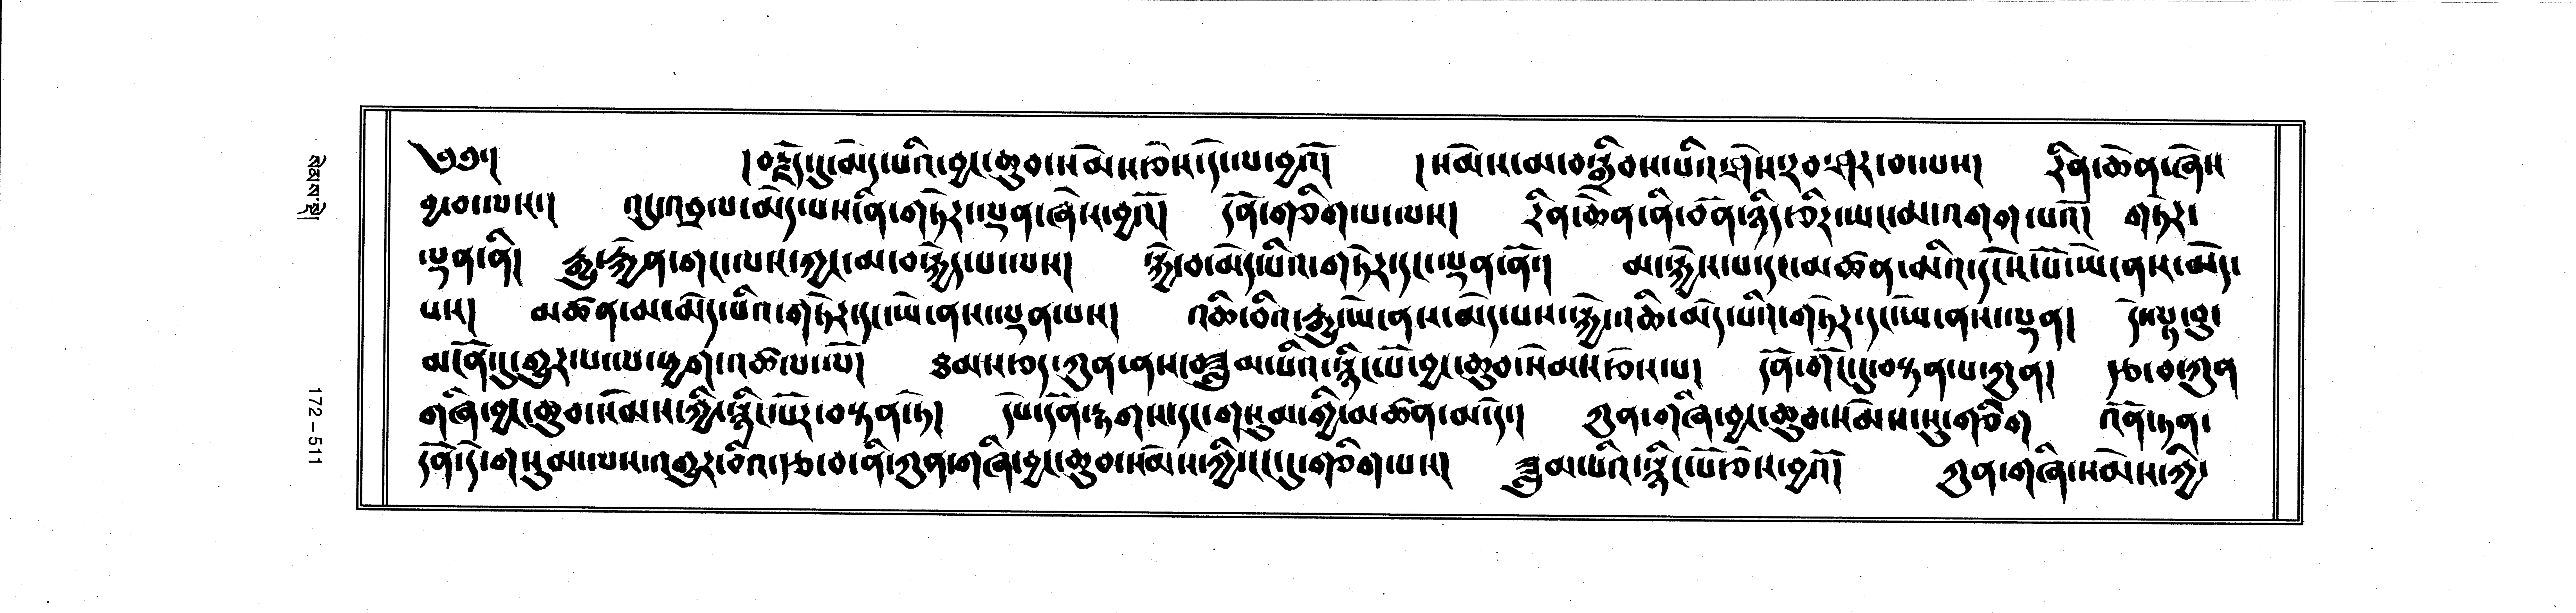བརྗོད་དུ་མེད་པའི་བྱང་ཆུབ་སེམས་ཅེས་དེ་ལ་བྱའོ། སེམས་མ་བསྒྲིབས་པའི་ཤེས་རབ་ཤར་བ་ལས། རིན་ཆེན་ཞེས་
བྱ་བ་ལས། འདུ་འབྲལ་མེད་པས་ནི་གཏེར་ལྡན་ཞེས་བྱའོ། དོན་གཅིག་པ་ལས། རིན་ཆེན་ནི་བོན་ཉིད་ཅིར་ཡང་མ་འགག་པའོ། གཏེར་
ལྡན་ནི། རྒྱུ་རྐྱེན་གང་ལས་ཀྱང་མ་བསྐྱེད་པ་ལས། སྐྱེ་བ་མེད་པའི་གཏེར་དང་ལྡན་ནོ། མ་སྐྱེས་པ་དང་མཚན་མའི་དངོས་པོ་ཡེ་ནས་མེད་
པས། མཚན་མ་མེད་པའི་གཏེར་དང་ཡེ་ནས་ལྡན་པས། འཆི་བའི་རྒྱུ་ཡེ་ནས་མེད་པས་སྐྱེ་འཆི་མེད་པའི་གཏེར་དང་ཡེ་ནས་ལྡན། དེ་ལྟ་བུ་
མངོན་དུ་གྱུར་པ་ལ་ཕྱག་འཚལ་ལོ། ཐམས་ཅད་ཀུན་ནས་བཟླུམ་པའི་སྙིང་པོ་བྱང་ཆུབ་སེམས་ཅེས་པ། དོན་གོང་དུ་བསྟན་པ་ཀུན། རྩ་བ་ཀུན་
གཞི་བྱང་ཆུབ་སེམས་ཀྱི་སྙིང་པོར་བསྟན་ཏེ། དཔེ་དོན་རྟགས་དང་གསུམ་གྱི་མཚན་མ་དེ། ཀུན་གཞི་བྱང་ཆུབ་སེམས་སུ་གཅིག འོན་བསྟན་
དོན་དེ་གསུམ་ལས་འགྱུར་བའི་རྩ་བ་ནི་ཀུན་གཞི་བྱང་ཆུབ་སེམས་ཀྱི་ངང་དུ་གཅིག་པས། བཟླུམ་པའི་སྙིང་པོ་ཅེས་བྱའོ། ཀུན་གཞི་སེམས་ཀྱི་